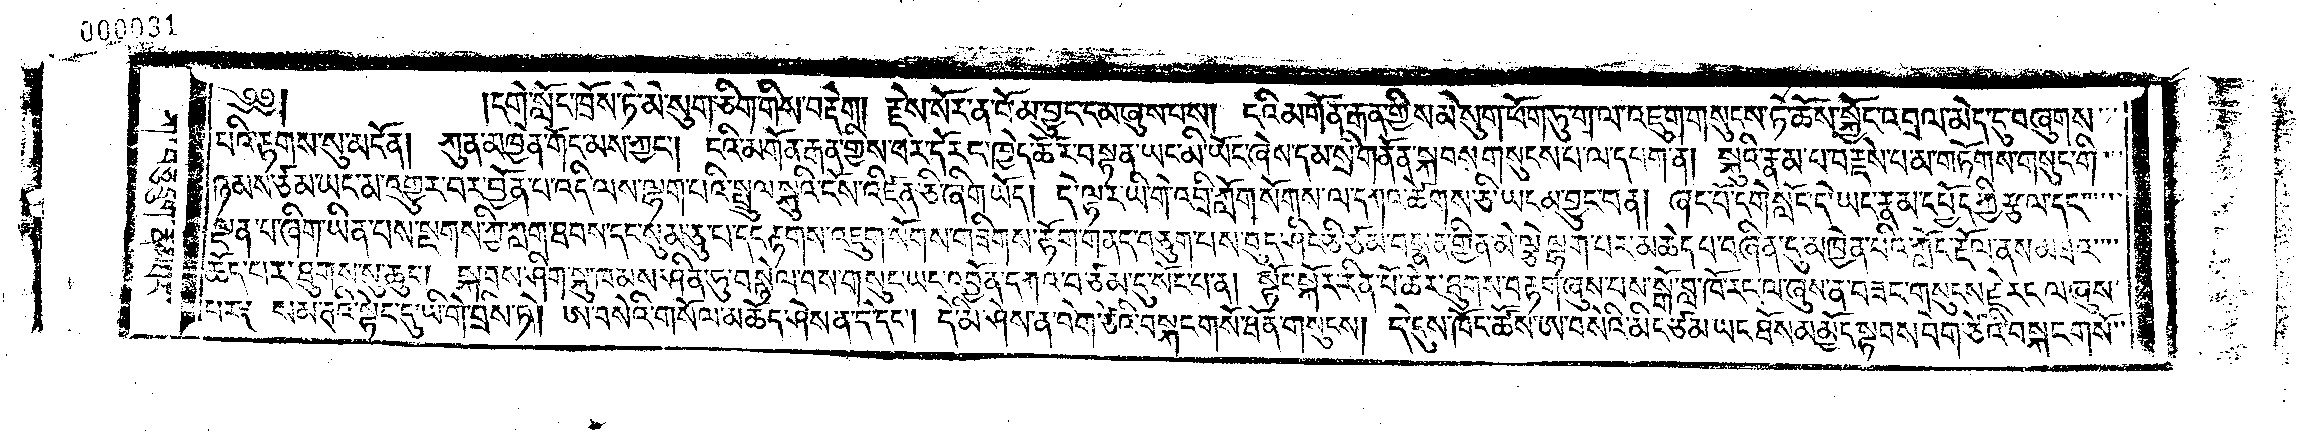༄༅། །དགེ་སློང་ཁྲོས་ཏེ་མེ་སུག་ཅིག་གིས་བརྡེག། རྗེས་སོར་ན་བོ་མ་བྱུང་ངམ་ཞུས་པས། ངའི་མགོན་རྒན་གྱིས་མེ་སུག་ཕོག་ཏུ་ག་ལ་འཇུག་གསུངས་ཏེ་ཆོས་སྐྱོང་འབྲལ་མེད་དུ་བཞུགས་
པའི་རྟགས་སུ་མངོན། ཀུན་མཁྱེན་གོང་མས་ཀྱང་། ངའི་མགོན་རྒན་གྱིས་བར་དོར་ང་ཁྱེད་ཚོར་བསྟན་ཡང་མི་ཡོང་ཞེས་དམ་སྲི་གནོན་སྐབས་གསུངས་པ་ལ་དཔག་ན། སྐུའི་རྣམ་པ་བརྗེས་པ་མ་གཏོགས་གསུང་གི་
ཉམས་ཙམ་ཡང་མ་འགྱུར་བར་བྱོན་པ་འདི་ལས་ལྷག་པའི་སྤྲུལ་སྐུའི་ངོས་འཛིན་ཅི་ཞིག་ཡོད། དེ་ལྟར་ཡི་གེ་འབྲི་ཀློག་སོགས་ལ་དཀའ་ཚེགས་ཅི་ཡང་མ་བྱུང་བ་ན། ཞང་པོ་དགེ་སློང་དེ་ཡང་རྣམ་དཔྱོད་ཀྱི་རྩལ་དང་
ལྡན་པ་ཞིག་ཡིན་བས་སྔགས་ཀྱི་ཀླག་ཐབས་དང་སུམ་ཅུ་པ་དང་རྟགས་འཇུག་སོགས་གཟིགས་རྟོག་གནང་བཅུག་པས་བུད་ཤིང་ཅི་ཙམ་བསྣན་གྱིན་མེ་ལྕེ་ལྷག་པར་མཆེད་པ་བཞིན་དུ་མཁྱེན་པའི་ཀློང་རྡོལ་ནས་མཐའ་
ཆོད་པར་ཐུགས་སུ་ཆུང་། སྐབས་ཤིག་སྐུ་ཁམས་ཤིན་ཏུ་བསྙེལ་བས་གསུང་ཡང་འབྱོན་དཀའ་བ་ཙམ་དུ་སོང་པ་ན། སྟོང་སྐོར་རིན་པོ་ཆེར་ཐུགས་བརྟག་ཞུས་པས་སྒོ་བླ་ཁོ་རང་ལ་ཞུས་ན་བཟང་གསུངས་རྗེ་རང་ལ་ཞུས་
པར༑ སམ་ཊའི་སྟེང་དུ་ཡི་གེ་བྲིས་ཏེ། ཨ་བསེའི་གསོལ་མཆོད་ཤེས་ན་དེ་དང་། དེ་མི་ཤེས་ན་བེག་ཙེའི་བསྐང་གསོ་ཐོན་གསུངས། དེ་དུས་ཁོང་ཚོས་ཨ་བསེའི་མིང་ཙམ་ཡང་ཐོས་མ་མྱོང་སྟབས་བེག་ཙེའི་བསྐང་གསོ་